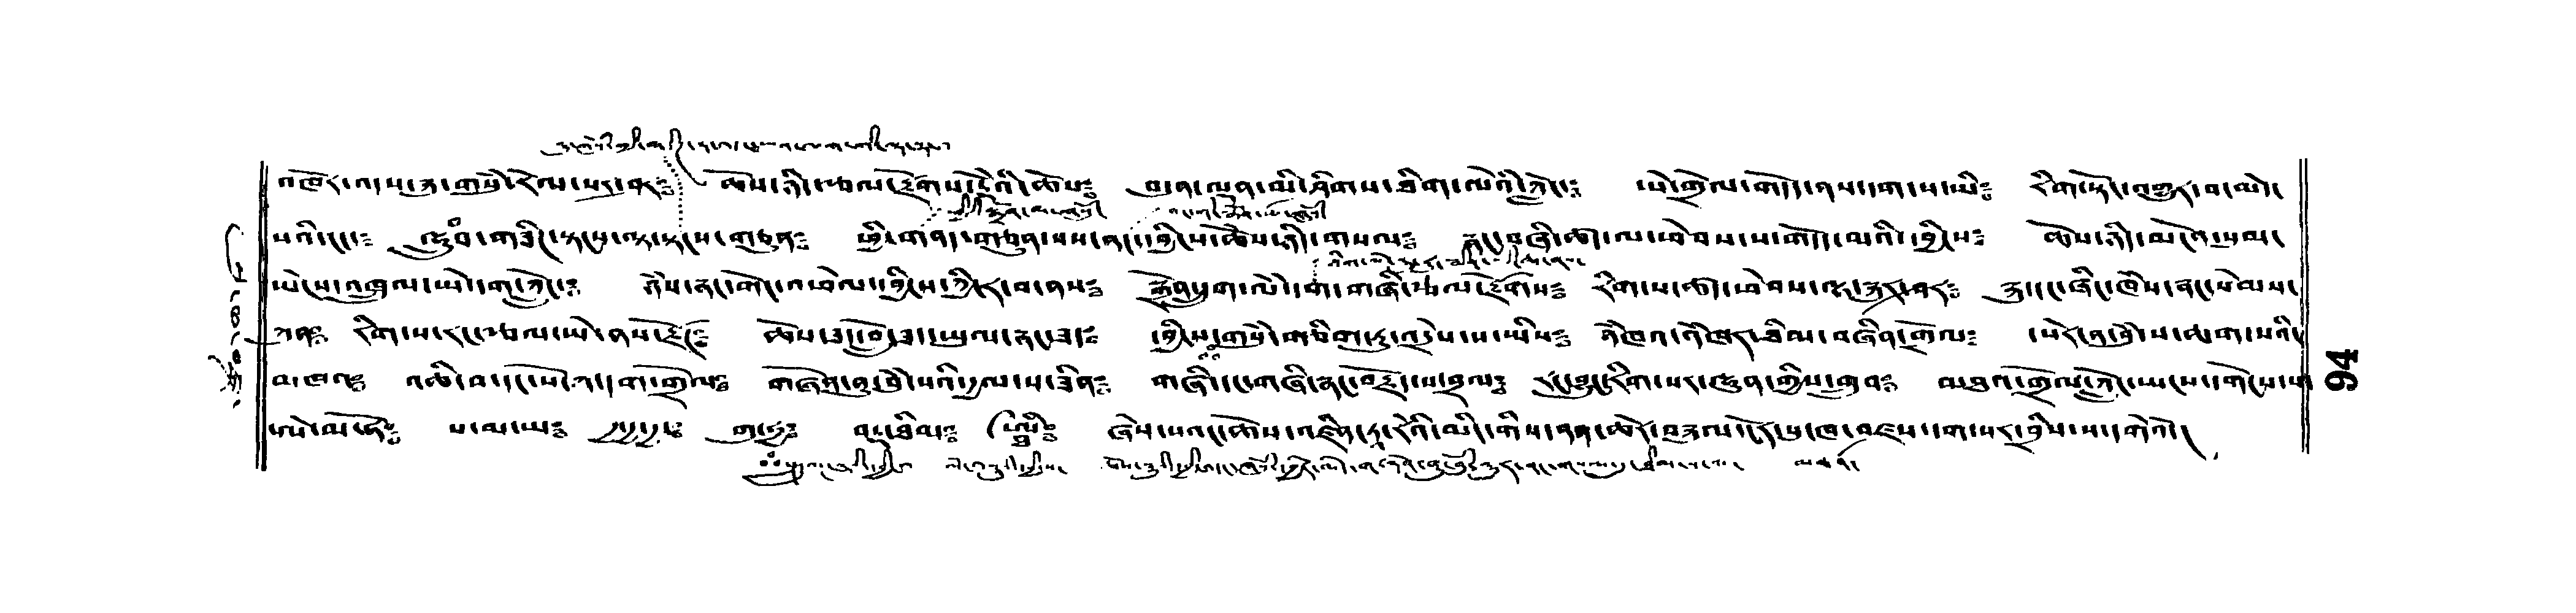འཁོར་འདས་སྐུ་གསུམ་རོལ་པར་ཤར༔ ཆོས་ཉིད་རྩལ་རྫོགས་རྡོ་རྗེའི་ཆོས༔ བདུན་ལྡན་མི་ཤིགས་ཐིག་ལེའི་ཀློང༔ ཡེ་གྲོལ་གདོད་ནས་དག་པ་ཡི༔ རིག་སྟོང་འགྱུར་བ་མེད་
པའི་ངང༔ ལྷུན་གྲུབ་གཟིགས་སྟངས་ལྟ་སྟངས་གཅུན༔ ཕྱི་གནད་གཅུན་པས་ནང་དབྱིངས་ཆོས་ཉིད་གསལ༔ སྣང་བཞི་ཚད་ལ་ཕེབས་པ་གདོད་མའི་དབྱིངས༔ ཆོས་ཉིད་མངོན་སུམ་
ཡེངས་འཁྲུལ་ཡེ་དག་ཀློང༔ ཉམས་སྣང་གོང་འཕེལ་དབྱིངས་ཀྱི་ར་བ་ནས༔ སྒྲོན་དྲུག་ལམ་དག་གཞི་རྩལ་རྫོགས༔ རིག་པ་ཚད་ཕེབས་ལྷ་སྐུར་ཤར༔ སྐུ་དང་ཞིང་ཁམས་སྣང་སེམས་
ཀུན༔ རིག་པ་རང་རྩལ་ཡེ་ནས་རྫོགས༔ ཆོས་ཟད་བློ་ཟད་ཡུལ་སྣང་ཟད༔ དབྱིངས་གསུམ་གཅིག་ཏུ་འདྲེས་པ་ཡིས༔ ནམ་མཁའ་ནམ་མཁར་ཐིམ་བཞིན་གྲོལ༔ དཔེར་ན་བུམ་པ་ཆག་པའི་
མཁའ༔ འཆི་བ་དང་པོ་ཀ་དག་གྲོལ༔ གཞོན་ནུ་བུམ་པའི་རྒྱལ་ས་ཟིན༔ གཞི་དང་གཞི་སྣང་བརྗོད་པ་བྲལ༔ རང་བྱུང་རིག་པར་ལྷུན་གྱིས་གྲུབ༔མཐའ་གྲོལ་ཀློང་ཡངས་དགོངས་པ་
ཨེ་མ་ཧོ༔ ས་མ་ཡ༔ རྒྱ་རྒྱ་རྒྱ༔ གུ་ཧྱ༔ བརྡ་ཐིམ༔ ༔ ཞེས་པའང་ཆོས་འཛིན་ཏཱ་རེའི་མིང་གིས་ནན་ཆེར་བསྐུལ་ངོར་སུ་ཁ་བཛྲས་དག་པར་བྲིས་པ་དགེའོ།